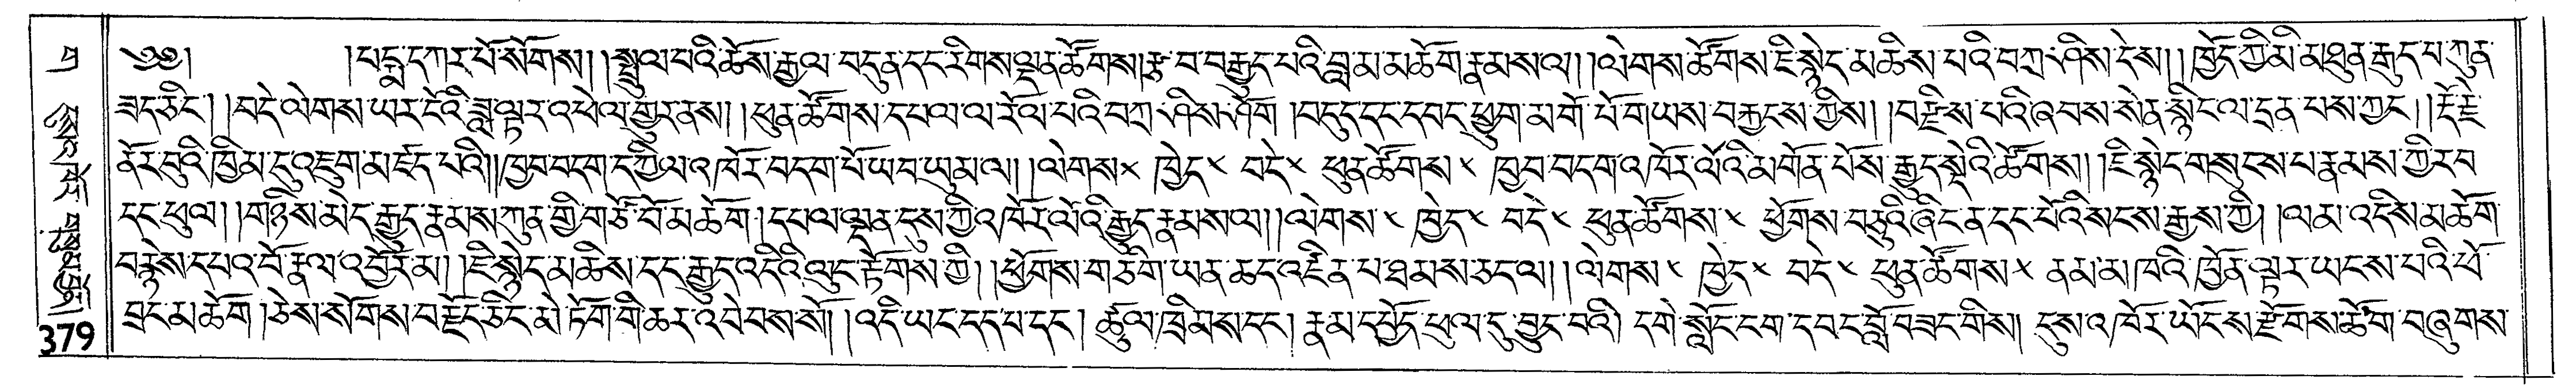༄༅། །པདམ་དཀར་པོ་སོགས། །སྤྲུལ་པའི་ཆོས་རྒྱལ་བདུན་དང་རིགས་ལྡན་ཚོགས། རྩ་བ་བརྒྱུད་པའི་བླ་མ་མཆོག་རྣམས་ལ། །ལེགས་ཚོགས་ཇི་སྙེད་མཆིས་པའི་བཀྲ་ཤིས་དེས། །ཁྱོད་ཀྱི་མི་མཐུན་རྒུད་པ་ཀུན་
ཟད་ཅིང་། །བདེ་ལེགས་ཡར་ངོའི་ཟླ་ལྟར་འཕེལ་གྱུར་ནས། །ཕུན་ཚོགས་དཔལ་ལ་རོལ་པའི་བཀྲ་ཤིས་ཤོག །བདུད་དང་དབང་ཕྱུག་མགོ་པོ་གཡས་བརྐྱངས་ཀྱིས། །བརྫིས་པའི་ཞབས་སེན་སྙིང་ལ་དྲན་པས་ཀྱང་། །རྡོ་རྗེ་
ནོར་བུའི་ཁྱིམ་དུ་འཇུག་མཛད་པའི། །ཁྱབ་བདག་དཀྱིལ་འཁོར་བདག་པོ་ཡབ་ཡུམ་ལ། །ལེགས་྾་ཁྱེད་྾་བདེ་྾་ཕུན་ཚོགས་྾་ཁྱབ་བདག་འཁོར་ལོའི་མགོན་པོས་རྒྱུད་སྡེའི་ཚོགས། །ཇི་སྙེད་གསུངས་པ་རྣམས་ཀྱི་རབ་
དང་ཕུལ། །གཉིས་མེད་རྒྱུད་རྣམས་ཀུན་གྱི་གཙོ་བོ་མཆོག །དཔལ་ལྡན་དུས་ཀྱི་འཁོར་ལོའི་རྒྱུད་རྣམས་ལ། །ལེགས་྾་ཁྱེད་྾་བདེ་྾་ཕུན་ཚོགས་྾་ཕྱོགས་བཅུའི་ཞིང་ན་དང་པོའི་སངས་རྒྱས་ཀྱི། །ལམ་འདིས་མཆོག་
བརྙེས་དཔའ་བོ་རྣལ་འབྱོར་མ། །ཇི་སྙེད་མཆིས་དང་རྒྱུད་འདིའི་ལུང་རྟོགས་ཀྱི། །ཕྱོགས་གཅིག་ཡན་ཆད་འཛིན་པ་ཐམས་ཅད་ལ། །ལེགས་྾་ཁྱེད་྾་བདེ་྾་ཕུན་ཚོགས་྾་ནམ་མཁའི་ཁྱོན་ལྟར་ཡངས་པའི་ཕོ་
བྲང་མཆོག །ཅེས་སོགས་བརྗོད་ཅིང་མེ་ཏོག་གི་ཆར་འབེབས་སོ། །འདི་ཡང་དད་པ་དང་། ཚུལ་ཁྲིམས་དང་། རྣམ་དཔྱོད་ཕུལ་དུ་བྱུང་བའི། དགེ་སློང་ངག་དབང་བློ་བཟང་གིས། དུས་འཁོར་ཡོངས་རྫོགས་ཆོ་ག་བཞུགས་